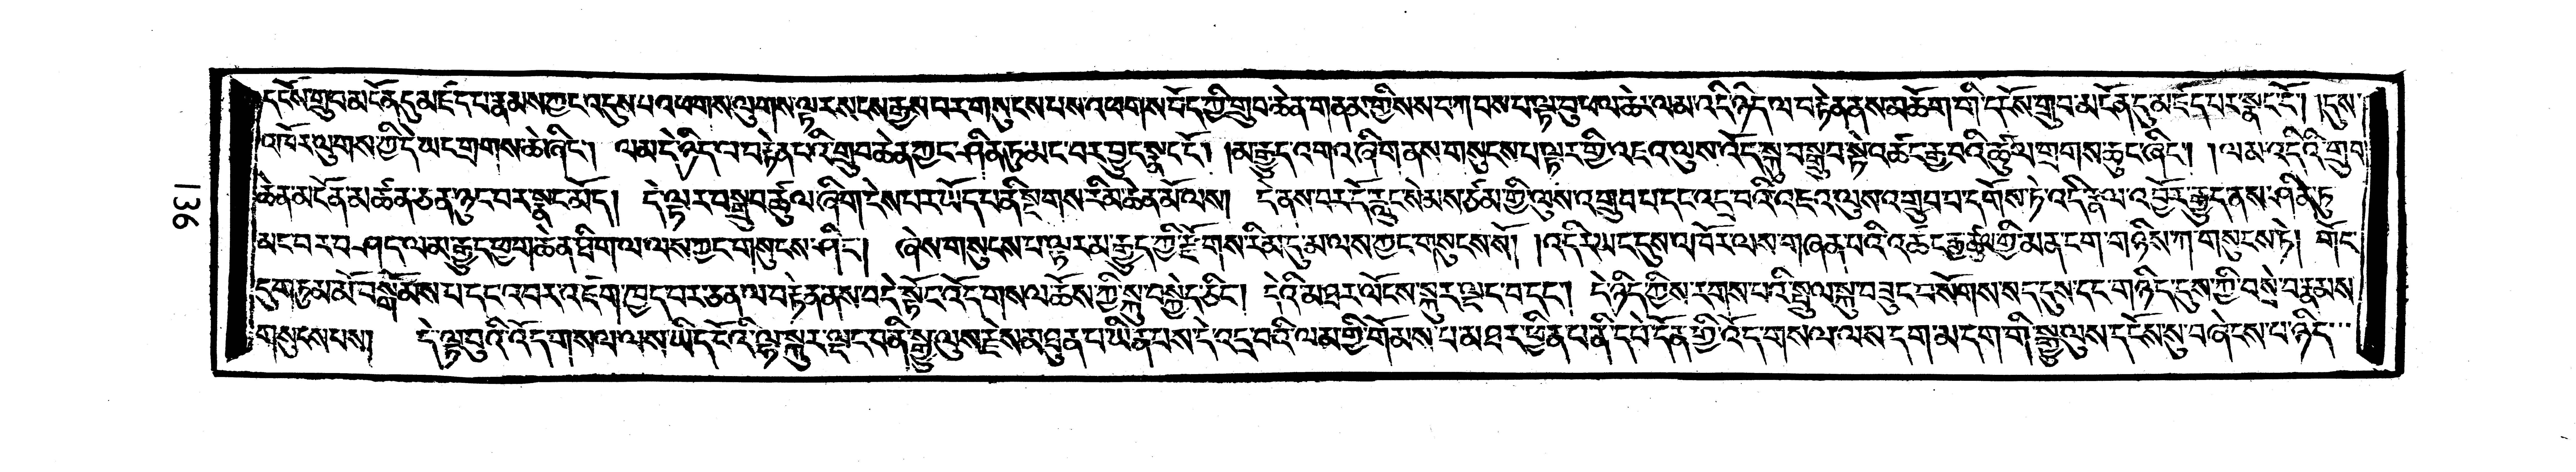དངོས་གྲུབ་མངོན་དུ་མཛད་པ་རྣམས་ཀྱང་འདུས་པ་འཕགས་ལུགས་ལྟར་སངས་རྒྱས་པར་གསུངས་པས་འཕགས་བོད་ཀྱི་གྲུབ་ཆན་གནམ་གྱིས་ས་བཀབས་པ་ལྟ་བུ་ཕལ་ཆེར་ལམ་འདི་ཉིད་ལ་བརྟེན་ནས་མཆོག་གི་དངོས་གྲུབ་མངོན་དུ་མཛད་པར་སྣང་ངོ། །དུས་
འཁོར་ལུགས་ཀྱི་དེ་ཡང་གྲགས་ཆེ་ཞིང་། ལམ་དེ་ཉིད་ལ་བརྟེན་པའི་གྲུབ་ཆེན་ཀྱང་ཤིན་ཏུ་མང་བར་བྱུང་སྣང་ངོ། །མ་རྒྱུད་འགའ་ཞིག་ནས་གསུངས་པ་ལྟར་གྱི་འཇའ་ལུས་འོད་སྐུ་བསྒྲུབ་སྟེ་འཚང་རྒྱ་པའི་ཚུལ་གྲགས་ཆུང་ཞིང་། ལམ་འདིའི་གྲུབ་
ཆེན་མངོན་མཚན་ཅན་ཉུང་བར་སྣང་མདོ། དེ་ལྟར་སྒྲུབ་ཚུལ་ཞིག་ངེས་པར་ཡོད་པ་ནི་སྔགས་རིམ་ཆེན་མོ་ལས། དེ་ནས་བར་དོ་རླུང་སེམས་ཙམ་གྱི་ལུས་འགྲུབ་པ་དང་འདྲ་བའི་འཇའ་ལུས་འགྲུབ་པ་དགོས་ཏེ་འདི་རྣལ་འབྱོར་རྒྱུད་ནས་ཤིན་ཏུ་
མང་བར་བཤད་ལམ་རྒྱུད་ཕྱག་ཆེན་ཐིག་ལེ་ལས་ཀྱང་གསུངས་ཤིང་། ཞེས་གསུངས་པ་ལྟར་མ་རྒྱུད་ཀྱི་རྫོགས་རིམ་དུ་མ་ལས་ཀྱང་གསུངས་སོ། །འདིར་ཡང་དུས་འཁོར་ལས་གཞན་པའི་འཚང་རྒྱ་ཚུལ་གྱི་མན་ངག་གཉིས་ཀ་གསུངས་ཏེ། གོང་
དུ་གཏུམ་མོ་བསྒོམས་པ་དང་འབར་འཛག་ཁྱད་པར་ཅན་ལ་བརྟེན་ནས་བདེ་སྟོང་འོད་གསལ་ཆོས་ཀྱི་སྐུ་བསྐྱེད་ཅིང་། དེའི་མཐར་ལོངས་སྐུར་ལྡང་བ་དང་། དེ་ཉིད་ཀྱིས་རགས་པའི་སྤྲུལ་སྐུ་བཟུང་བ་སོགས་སད་དུས་དང་གཉིད་དུས་ཀྱི་བསྲེ་བ་རྣམས་
གསུངས་པས། དེ་ལྟ་བུའི་འོད་གསལ་ལས་ཡིད་ངོའི་ལྷ་སྐུར་ལྡང་བ་ནི་སྒྱུ་ལུས་རྗེས་མཐུན་པ་ཡིན་པས་དེ་འདྲ་བའི་ལམ་གྱི་གོམས་པ་མཐར་ཕྱིན་པ་ནི་དཔེ་དོན་གྱི་འོད་གསལ་ལས་དག་མ་དག་གི་སྒྱུ་ལས་དངོས་སུ་བཞེངས་པ་ཉིད་